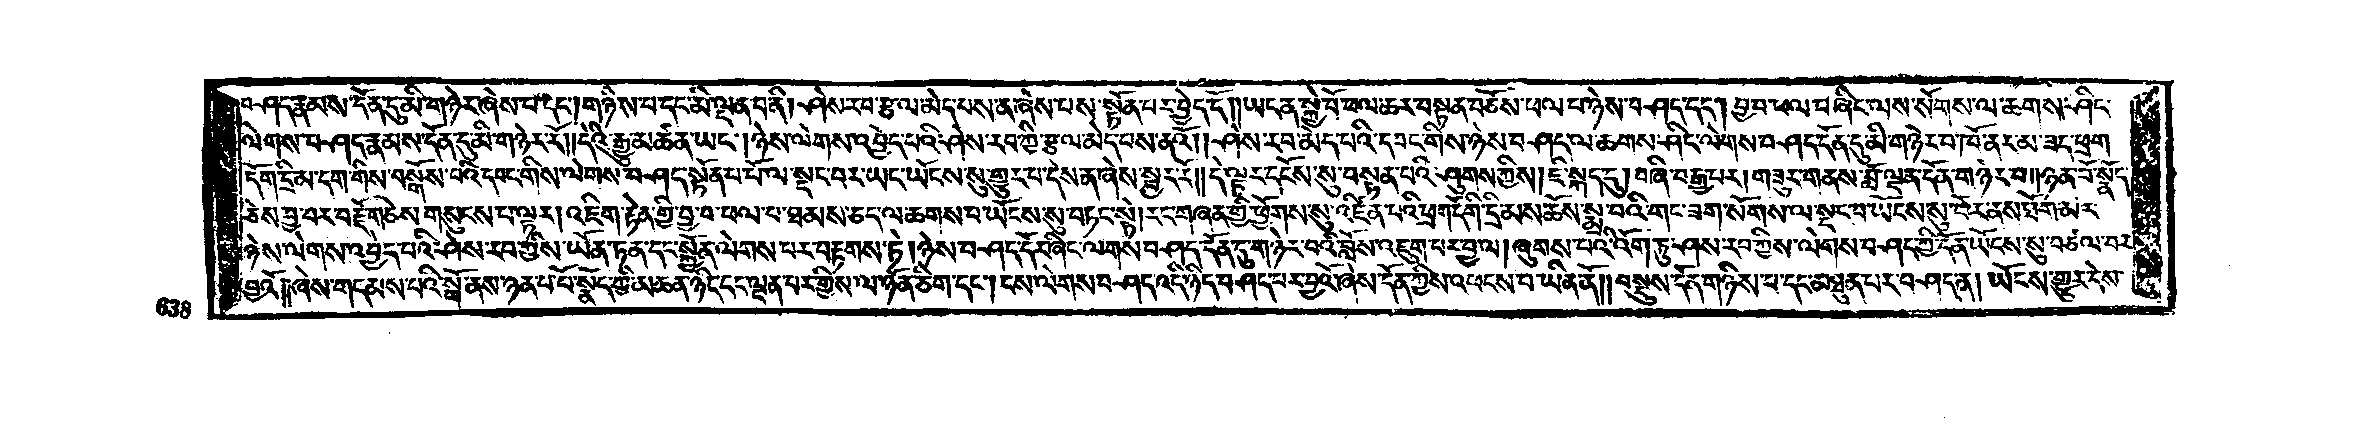བཤད་རྣམས་དོན་དུ་མི་གཉེར་ཞེས་པ་དང་། གཉིས་པ་དང་མི་ལྡན་པ་ནི། ཤེས་རབ་རྩལ་མེད་པས་ན་ཞེས་པས་སྟོན་པར་བྱེད་དོ། །ཡང་ན་སྐྱེ་བོ་ཕལ་ཆར་བསྟན་བཅོས་ཕལ་པ་ཉེས་བཤད་དང་། བྱ་བ་ཕལ་བ་ཞིང་ལས་སོགས་ལ་ཆགས་སྣིང་
ལེགས་བཤད་རྣམས་དོན་དུ་མི་གཉེར་རོ། །དེའི་རྒྱུ་མཚན་ཡང་། ཉེས་ལེགས་འབྱེད་པའི་ཤེས་རབ་ཀྱི་རྩལ་མེད་པས་ནའོ། །ཤེས་རབ་མེད་པའི་དབང་གིས་ཉེས་བཤད་ལ་ཆགས་ཤིང་ལེགས་བཤད་དོན་དུ་མི་གཉེར་བ་ཁོ་ནར་མ་ཟད་ཕྲག་
དོག་དྲི་མ་དག་གིས་བསྒོས་པའི་དབང་གིས་ལེགས་བཤད་སྟོན་པ་པོ་ལ་སྡང་བར་ཡང་ཡོངས་སུ་གྱུར་པ་དེས་ན་ཞེས་སྦྱར་རོ། །དེ་ལྟར་དངོས་སུ་བསྟན་པའི་ཤུགས་ཀྱིས། ཇི་སྐད་དུ། བཞི་བརྒྱ་པར། གཟུར་གནས་བློ་ལྡན་དོན་གཉེར་བ། །ཉན་པོ་སྣོད་
ཅེས་བྱ་བར་བརྗོད་ཅེས་གསུངས་པ་ལྟར། འཇིག་རྟེན་གྱི་བྱ་བ་ཕལ་པ་ཐམས་ཅད་ལ་ཆགས་པ་ཡོངས་སུ་བཏང་སྟེ། རང་གཞན་གྱི་ཕྱོགས་སུ་འཛིན་པའི་ཕྲག་དོག་གི་དྲི་མས་ཆོས་སྨྲ་བའི་གང་ཟག་སོགས་ལ་སྡང་བ་ཡོངས་སུ་བོར་ནས་ཐོག་མར་
ཉེས་ལེགས་འབྱེད་པའི་ཤེས་རབ་ཀྱིས་ཡོན་ཏན་དང་སྐྱོན་ལེགས་པར་བརྟགས་ཏེ། ཉེས་བཤད་དོར་ཞིང་ལགས་བཤད་དོན་དུ་གཉེར་བའི་བློས་འཇུག་པར་བྱ་ལ། ཞུགས་པའི་འོག་ཏུ་ཤས་རབ་ཀྱིས་ལེགས་བཤད་ཀྱི་དོན་ཡོངས་སུ་བཙལ་བར་
བྱའོ། །ཞེས་གདམས་པའི་སྒོ་ནས་ཉན་པ་པོ་སྣོད་ཀྱི་མཚན་ཉིད་དང་ལྡན་པར་གྱིས་ལ་ཉོན་ཅིག་དང་། ངས་ལེགས་བཤད་འདི་ཉིད་བཤད་པར་བྱའོ་ཞེས་དོན་ཀྱིས་འཕངས་བ་ཡིན་ནོ། །བསྡུས་དོན་གཉིས་པ་དང་མཐུན་པར་བཤད་ན། ཡོངས་གྱུར་ངེ་